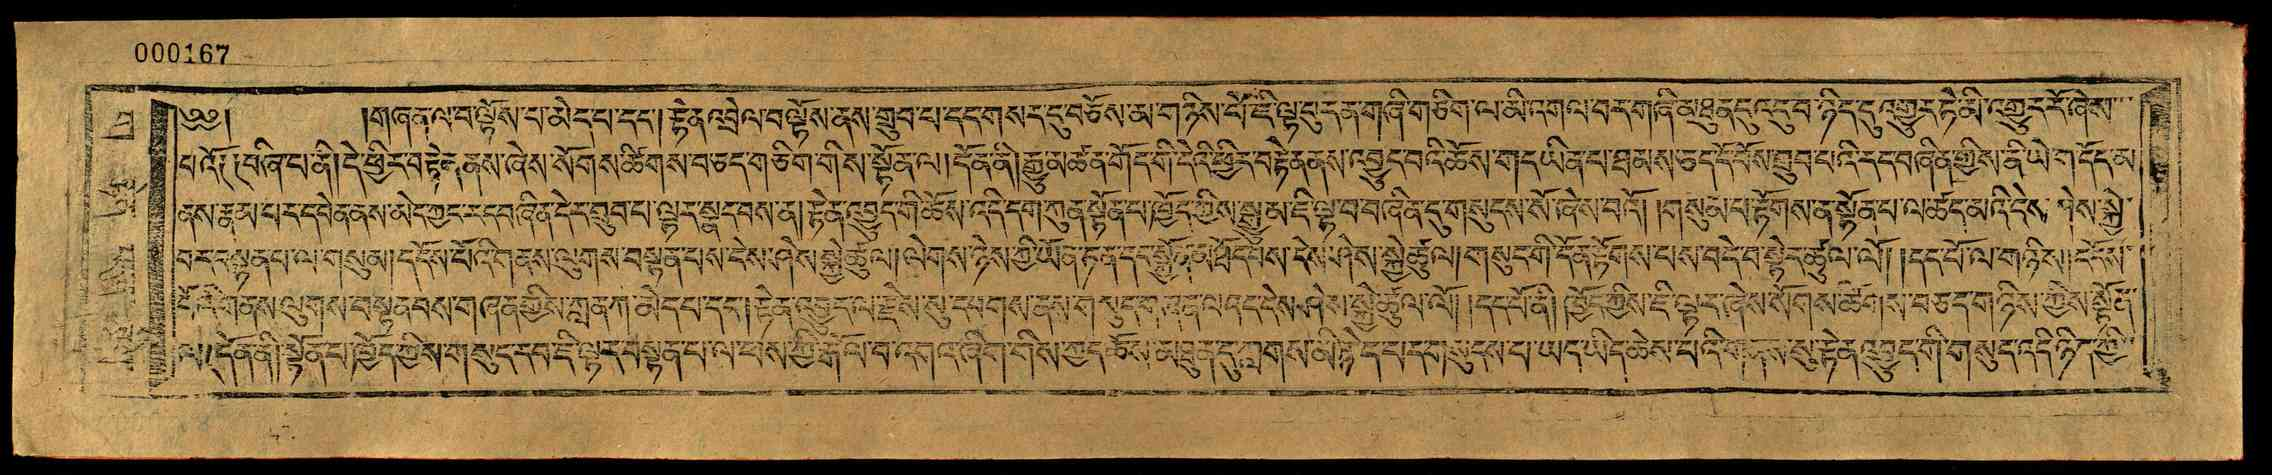༄༅། །གཞན་ལ་བལྟོས་པ་མེད་པ་དང་། རྟེན་འབྲེལ་བལྟོས་ནས་གྲུབ་པ་དང་གསར་དུ་བཅོས་མ་གཉིས་པོ་ཇི་ལྟ་བུར་ན་གཞི་གཅིག་ལ་མི་འགལ་བར་གཞི་མཐུན་དུ་འདུ་བ་ཉིད་དུ་འགྱུར་ཏེ་མི་འགྱུར་རོ་ཞེས་
པའོ། །བཞི་པ་ནི། དེ་ཕྱིར་བརྟེན་ནས་ཞེས་སོགས་ཚིགས་བཅད་གཅིག་གིས་སྟོན་ལ། དོན་ནི། རྒྱུ་མཚན་གོང་གི་དེའི་ཕྱིར་བརྟེན་ནས་འབྱུང་བའི་ཆོས་གང་ཡིན་པ་ཐམས་ཅད་ངོ་བོས་གྲུབ་པའི་རང་བཞིན་གྱིས་ནི་ཡེ་གདོད་མ་
ནས་རྣམ་པར་དབེན་ནས་མེད་ཀྱང་རང་བཞིན་དེར་གྲུབ་པ་ལྟར་སྣང་བས་ན། རྟེན་འབྱུང་གི་ཆོས་འདི་དག་ཀུན་སྟོན་པ་ཁྱོད་ཀྱིས་སྒྱུ་མ་ཇི་ལྟ་བ་བཞིན་དུ་གསུངས་སོ་ཞེས་པའོ། །གསུམ་པ་རྟོགས་ན་སྟོན་པ་ལ་ཚད་མའི་ངེས་ཤེས་སྐྱེ་
བར་བསྟན་པ་ལ་གསུམ། དངོས་པོའི་གནས་ལུགས་བསྟན་པས་ངེས་ཤེས་སྐྱེ་ཚུལ། ལེགས་ཉེས་ཀྱི་ཡོན་ཏན་དང་སྐྱོན་མཐོང་བས་ངེས་ཤེས་སྐྱེ་ཚུལ། གསུང་གི་དོན་རྟོགས་བས་བདེ་བ་སྟེར་ཚུལ་ལོ། །དང་པོ་ལ་གཉིས། དངོས་
པོའི་གནས་ལུགས་བསྟན་པས་གཞན་གྱིས་ཀླན་ཀ་མེད་པ་དང་། རྟེན་འབྱུང་ལ་རྗེས་སུ་དཔགས་ནས་གསུང་གཞན་ལའང་ངེས་ཤེས་སྐྱེ་ཚུལ་ལོ། །དང་པོ་ནི། ཁྱོད་ཀྱིས་ཇི་ལྟར་ཞེས་སོགས་ཚིགས་བཅད་གཉིས་ཀྱིས་སྟོན་
ལ། དོན་ནི། སྟོན་པ་ཁྱོད་ཀྱིས་གསུང་རབ་ཇི་ལྟར་བསྟན་པ་ལ་ཕས་ཀྱི་རྒོལ་བ་འགའ་ཞིག་གིས་ཀྱང་ཆོས་མཐུན་དུ་གླགས་མི་རྙེད་པར་གསུངས་པ་ཡང་ཡིད་ཆེས་པའི་གནས་སུ་རྟེན་འབྱུང་གི་གསུང་འདི་ཉིད་ཀྱི་